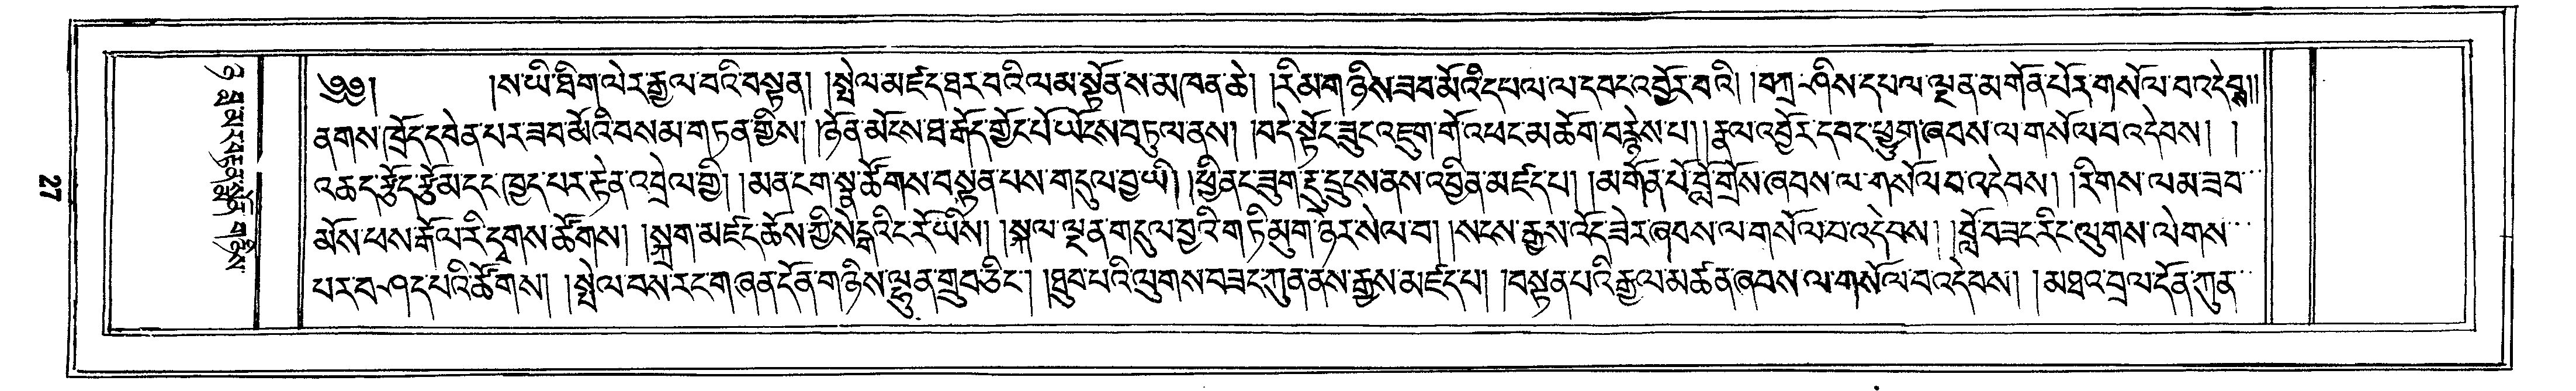༄༅། །ས་ཡི་ཐིག་ལེར་རྒྱལ་བའི་བསྟན། །སྤེལ་མཛད་ཐར་པའི་ལམ་སྟོན་ས་མཁན་ཆེ། །རིམ་གཉིས་ཟབ་མོའི་དཔལ་ལ་དབང་འབྱོར་བའི། །བཀྲ་ཤིས་དཔལ་ལྡན་མགོན་པོར་གསོལ་བ་འདེབས།།
ནགས་ཁྲོད་དབེན་པར་ཟབ་མོའི་བསམ་གཏན་གྱིས། །ཉོན་མོངས་ཐ་རྒོད་གྱོང་པོ་ཡོངས་བཏུལ་ནས། །བདེ་སྟོང་ཟུང་འཇུག་གོ་འཕང་མཆོག་བརྙེས་པ། །རྣལ་འབྱོར་དབང་ཕྱུག་ཞབས་ལ་གསོལ་བ་འདེབས། །
འཆང་རྩོད་རྩོམ་དང་ཁྱད་པར་རྟེན་འབྲེལ་གྱི། །མན་ངག་སྣ་ཚོགས་བསྟན་པས་གདུལ་བྱ་ཡི། །ཕྱི་ནང་ཟུག་རྡུ་དྲུངས་ནས་འབྱིན་མཛད་པ། །མགོན་པོ་བློ་གྲོས་ཞབས་ལ་གསོལ་བ་འདེབས། །རིགས་ལམ་ཟབ་
མོས་ཕས་རྒོལ་རི་དྭགས་ཚོགས། །སྐྲག་མཛད་ཆོས་ཀྱི་སེངྒེའི་ང་རོ་ཡིས། །སྐལ་ལྡན་གདུལ་བྱའི་གཏི་མུག་ཉེར་སེལ་བ། །སངས་རྒྱས་འོང་ཟེར་ཞབས་ལ་གསོལ་བ་འདེབས། །བློ་བཟང་རིང་ལུགས་ལེགས་
པར་བཤད་པའི་ཚོགས། །སྤེལ་བས་རང་གཞན་དོན་གཉིས་ལྷུན་གྲུབ་ཅིང་། །ཐུབ་པའི་ལུགས་བཟང་ཀུན་ནས་རྒྱས་མཛད་བ། །བསྟན་པའི་རྒྱལ་མཚན་ཞབས་ལ་གསོལ་བ་འདེབས། །མཐའ་བྲལ་དོན་ཀུན་